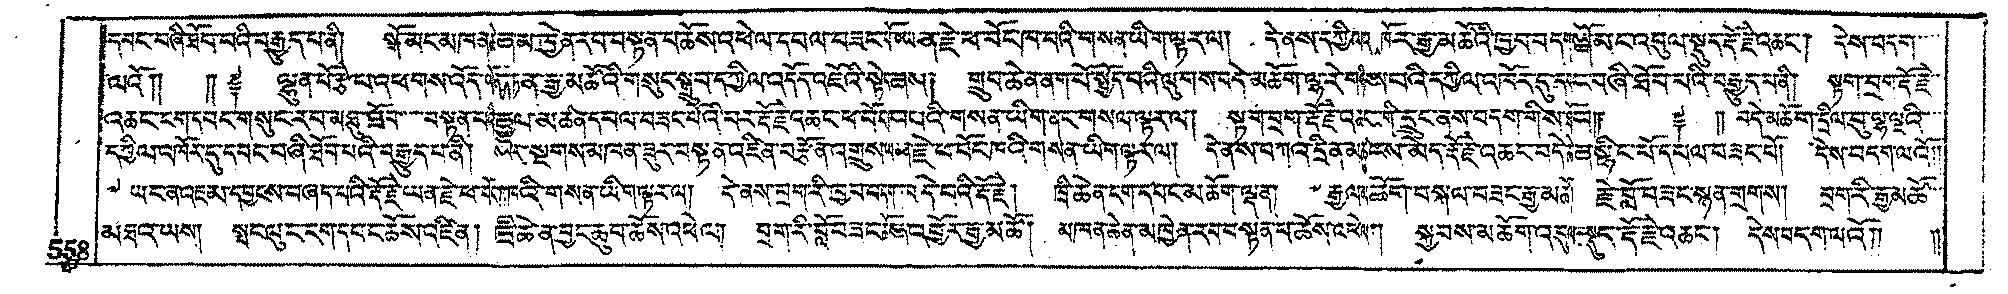དབང་བཞི་ཐོབ་པའི་བརྒྱུད་པ་ནི། སྒོ་མང་མཁན་ཆེན་མཁྱེན་རབ་བསྟན་པ་ཆོས་འཕེལ་དཔལ་བཟང་པོ་ཡན་རྗེ་ཕ་བོང་ཁ་པའི་གསན་ཡིག་ལྟར་ལ། དེ་ནས་དཀྱིལ་འཁོར་རྒྱ་མཚོའི་ཁྱབ་བདག་སྒོ་མང་འབུལ་སྡུད་རྡོ་རྗེ་འཆང་། དེས་བདག་
ལའོ།། །།འླྷུན་པོ་རྩེ་པ་འཕགས་འོད་ཡོན་ཏན་རྒྱ་མཚོའི་གསུང་སྒྲུབ་དཀྱིལ་འདོད་འཇོའི་སྟེང་ནས། གྲུབ་ཆེན་ནག་པོ་སྤྱོད་པའི་ལུགས་བདེ་མཆོག་ལྷ་རེ་གཉིས་པའི་དཀྱིལ་འཁོར་དུ་དབང་བཞི་ཐོབ་པའི་བརྒྱུད་པ་ནི། སྟག་བྲག་རྡོ་རྗེ་
འཆང་ངག་དབང་གསུང་རབ་མཐུ་ཐོབྦྶྟན་པའི་རྒྱལ་མཚན་དཔལ་བཟང་པོའི་བར་རྡོ་རྗེ་འཆང་ཕ་བོང་ཁ་པའི་གསན་ཡིག་ནང་གསལ་ལྟར་ལ། སྟག་བྲག་རྡོ་རྗེ་འཆང་གི་དྲུང་ནས་བདག་གིས་ཐོབ།། འ་།།བདེ་མཆོག་དྲིལ་བུ་ལྷ་ལྔའི་
དཀྱིལ་འཁོར་དུ་དབང་བཞི་ཐོབ་པའི་བརྒྱུད་པ་ནི། སེར་སྔགས་མཁན་ཟུར་བསྟན་འཛིན་བརྩོན་འགྲུས་ཡན་རྗེ་ཕ་བོང་ཁའི་གསན་ཡིག་ལྟར་ལ། དེ་ནས་བཀའ་དྲིན་མཚུངས་མེད་རྡོ་རྗེ་འཆང་བདེ་ཆེན་སྙིང་པོ་དཔལ་བཟང་པོ། དེས་བདག་ལའོ།།
༧་ཡང་ན་འཇམ་དབྱངས་བཞད་པའི་རྡོ་རྗེ་ཡན་རྗེ་ཕ་བོང་ཁའི་གསན་ཡིག་ལྟར་ལ། དེ་ནས་བྲག་རི་ཁྱབ་བདག་བདེ་བའི་རྡོ་རྗེ། ཁྲི་ཆེན་ངག་དབང་མཆོག་ལྡན། ༧་རྒྱལ་མཆོག་བསྐལ་བཟང་རྒྱ་མཚོ། རྗེ་བློ་བཟང་སྙན་གྲགས། བྲག་རི་རྒྱ་མཚོ་
མཐའ་ཡས། སྤང་ལུང་ངག་དབང་ཆོས་འཛིན། ཁྲི་ཆེན་བྱང་ཆུབ་ཆོས་འཕེལ། བྲག་རི་བློ་བཟང་ཆོས་འབྱོར་རྒྱ་མཚོ། མཁན་ཆེན་མཁྱེན་རབ་བསྟན་པ་ཆོས་འཕེལ། སྐྱབས་མཆོག་འབུལ་སྡུད་རྡོ་རྗེ་འཆང་། དེས་བདག་ལའོ།། །།